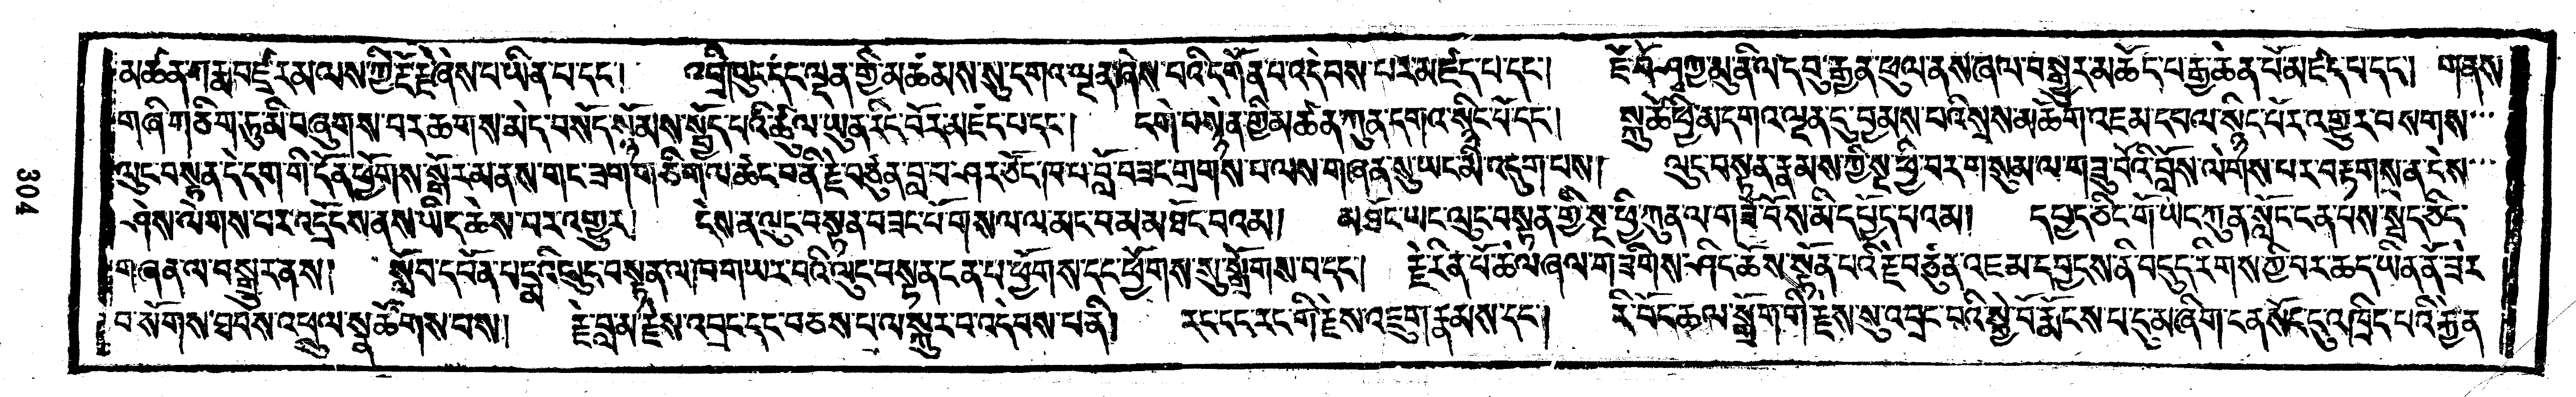མཚན་གརྨ་བཛྲ་རམ་ལས་ཀྱི་རྡོ་རྗེ་ཞེས་པ་ཡིན་པ་དང་། འབྲི་ཁུང་དང་ལྡན་གྱི་མཚམས་སུ་དགའ་ལྡན་ཞེས་པའི་དགོན་པ་འདེབས་པར་མཛད་པ་དང་། ཇོ་བོ་ཤཱཀྱ་མུ་ནི་ལ་དབུ་རྒྱན་ཕུལ་ནས་ཞལ་བསྒྱུར་མཆོད་པ་རྒྱ་ཆེན་པོ་མཛད་པ་དང་། གནས་
གཞི་གཅིག་ཏུ་མི་བཞུགས་པར་ཆགས་མེད་བསོད་སྙོམས་སྤྱོད་པའི་ཚུལ་ཡུན་རིང་བོར་མཛད་པ་དང་། དགེ་བསྙེན་གྱི་མཚན་ཀུན་དགའ་སྙིང་པོ་དང་། སྐུ་ཚེ་ཕྱི་མ་དགའ་ལྡན་དུ་བྱམས་པའི་སྲས་མཆོག་འཇམ་དཔལ་སྙིང་པོར་འགྱུར་བསགས་
ལུང་བསྟན་དེ་དག་གི་དོན་ཕྱོགས་སྒོར་མ་ནས་གང་ཟག་གཅིག་ལ་ཚང་བ་ནི་རྗེ་བཙུན་བླ་མ་ཤར་ཙོང་ཁ་པ་བློ་བཟང་གྲགས་པ་ལས་གཞན་སུ་ཡང་མི་འདུག་པས། ལུང་བསྟན་རྣམས་ཀྱི་སྔ་ཕྱི་བར་གསུམ་ལ་གཟུ་བོའི་བློས་ལེགས་པར་བརྟགས་ན་གནེས་
ཤེས་ལེགས་པར་འདྲོངས་ནས་ཡིད་ཆེས་པར་འགྱུར། དེས་ན་ལུང་བསྟན་བཟང་པོ་གསལ་ལ་མང་བམ་མཐོང་བའམ། མཐོང་ཡང་ལུང་བསྟན་གྱི་སྔ་ཕྱི་ཀུན་ལ་གཟོ་བོས་མི་དཔྱོད་པའམ། དབྱད་ཅིང་གོ་ཡང་ཀུན་སློང་ན་པས་སྦང་ཅིང་
གཞན་ལ་བསྒྲུར་ནས། སློབ་དཔོན་པདམའི་ལུང་བསྟན་ལ་ཁ་གཡར་པའི་ལུང་བསྟན་ངན་པ་ཕྱོགས་དང་ཕྱོགས་སུ་སྒྲོགས་པ་དང་། རྗེ་རིན་པོ་ཆེ་ལ་ཞལ་གཟིགས་ཤིང་ཆོས་སྟོན་པའི་རྗེ་བཙུན་འཇམ་དབྱངས་ནི་བདུད་རིགས་ཀྱི་བར་ཆད་ཡིན་ནོ་ཟེར་
པ་སོགས་ཐབས་འཕྲུལ་སྣ་ཚོགས་བས། རྗེ་བླ་མ་རྗེས་འབྲང་དང་བཅས་པ་ལ་སྐུར་བ་འདེབས་པ་ནི། རང་དང་རང་གི་རྗེས་འཇུག་རྣམས་དང་། རི་བོང་ཆལ་སྒྲོག་གི་རྗེས་སུ་འབྲང་བའི་སྐྱེ་བོ་རྨོངས་པ་དུ་མ་ཞིག་ངན་སོང་དུ་འཁྲིང་པའི་རྐྱེན་